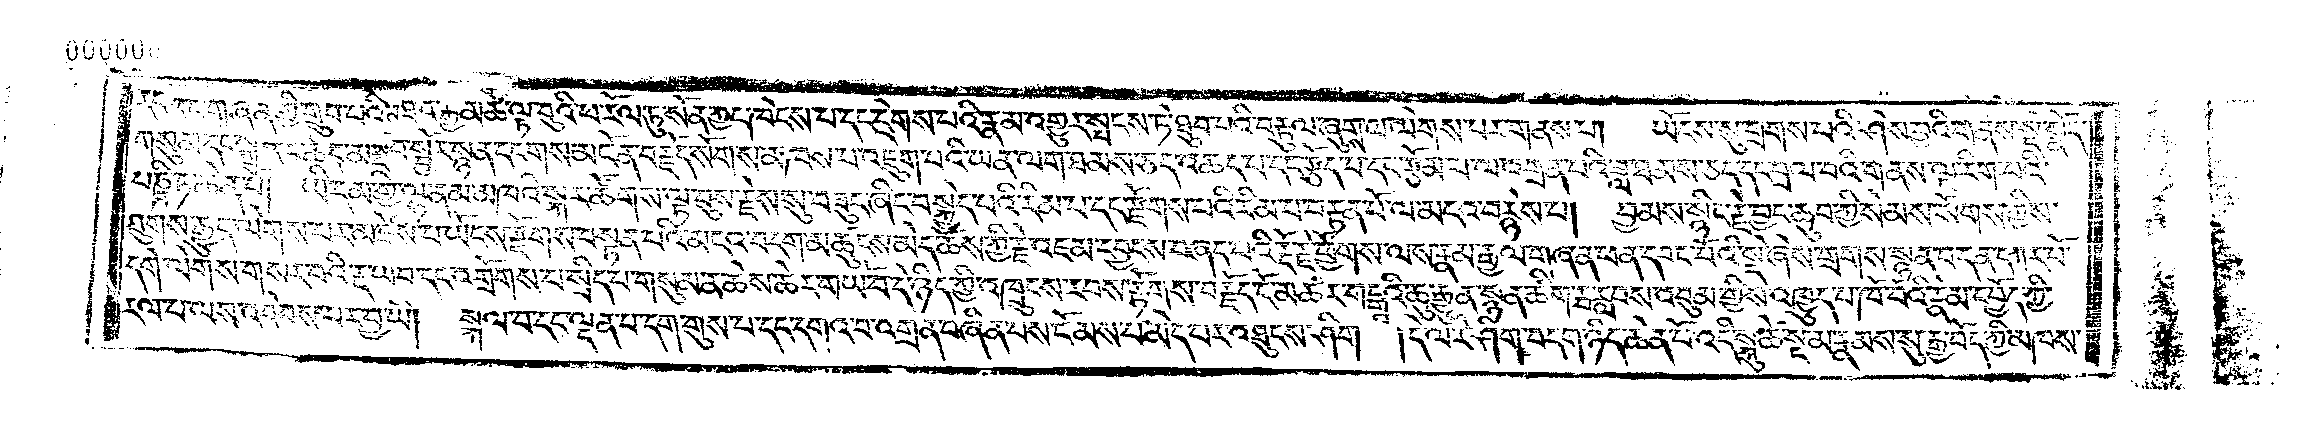རང་དང་གཞན་གྱི་གྲུབ་པའི་མཐའ་རྒྱ་མཚོ་ལྟ་བུའི་ཕ་རོལ་ཏུ་སོན་ཀྱང་ཁེངས་པ་དང་དྲེགས་པའི་རྣམ་འགྱུར་སྤངས་ཏེ་ཐུབ་པའི་བརྟུལ་ཞུགས་ལ་ལེགས་པར་གནས་པ། ཡོངས་སུ་གྲགས་པའི་ཤེས་བྱའི་གནས་སྡེ་སྣོད་
གསུམ་དང་སྒྲ་དང་ཚད་མ་སྡེབ་སྦྱོར་སྙན་དང་གས་མངོན་བརྗོད་སོགས་མཁས་པ་འཇུག་པའི་ཡན་ལག་ཐམས་ཅད་འཆད་པ་དང་རྩོད་པ་དང་རྩོམ་པ་ལ་འགྲན་པའི་ཟླ་ཐམས་ཅད་དང་བྲལ་བའི་གནས་ལྔ་རིག་པའི་
པཎྜི་ཏ་ཆེན་པོ། ཡི་དམ་གྱི་ལྷ་ནམ་མཁའི་སྐར་ཚོགས་ལྟ་བུས་རྗེས་སུ་བཟུང་ཞིང་བསྐྱེད་པའི་རིམ་པ་དང་རྫོགས་པའི་རིམ་པ་བརྟན་པོ་ལ་མངའ་བརྙེས་པ། བྱམས་སྙིང་རྗེ་བྱང་ཆུབ་ཀྱི་སེམས་སོགས་ཀྱིས་
ཐུགས་རྒྱུད་ལེགས་པར་མཛེས་པ་ཡོངས་རྫོགས་བསྟན་པའི་མངའ་བདག་མཚུངས་མེད་ཆོས་ཀྱི་རྗེ་འཇམ་དབྱངས་བཞད་པའི་རྡོ་རྗེ་ཕྱོགས་ལས་རྣམ་རྒྱལ་གཞན་ཕན་དབང་པོའི་སྡེ་ཞེས་གྲགས་སྙན་བ་དན་དཀར་པོ་
དགེ་ལེགས་གསར་བའི་རྔ་ཡབ་དང་འགྲོགས་པ་སྲིད་པ་གསུམ་ན་ཆེས་ཆེར་གཡོ་བ་དེ་ཉིད་ཀྱི་འཁྲུངས་རབས་རྟོགས་བརྗོད་དོ་མཚར་གངྒཱའི་ཆུ་རྒྱུན་སྙན་ཚིག་རྦ་རླབས་འབུམ་གྱིས་འཁྱུད་པ་ཁོ་བོའི་རྣམ་དཔྱོད་ཀྱི་
རལ་པ་ལས་འབེབས་པར་བྱ་ཡི། སྐལ་བ་དང་ལྡན་པ་དག་གུས་པ་དང་དགའ་བ་འགྲན་བཞིན་པས་ངོམས་པ་མེད་པར་འཐུངས་ཤིག །དེ་ལ་རེ་ཤིག་བདག་ཉིད་ཆེན་པོ་འདི་སྐུ་ཚེ་སྔ་མ་རྣམས་སུ་རྒྱ་བོད་ཀྱི་མཁས་